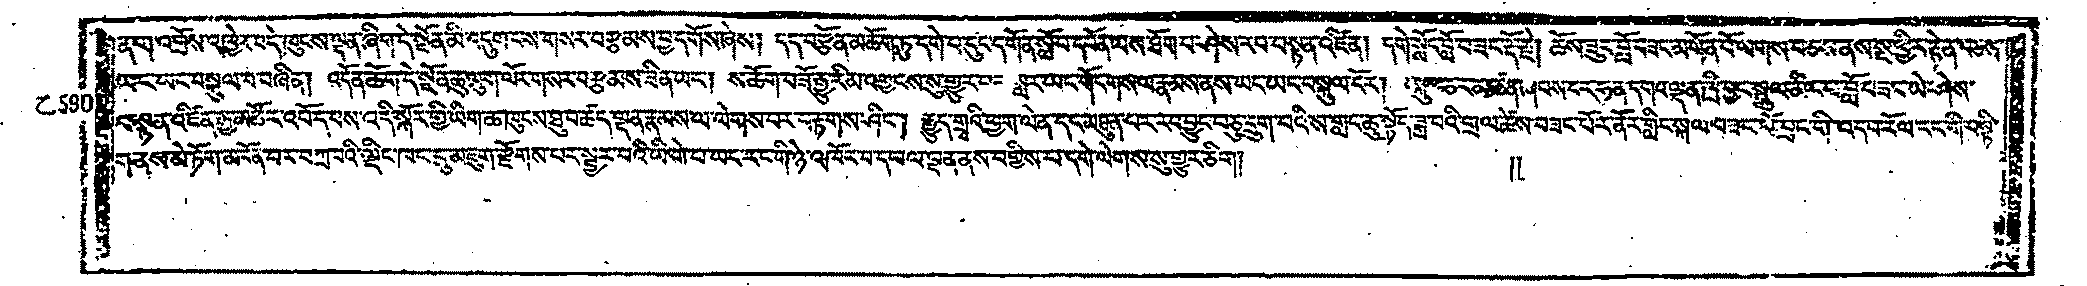ནག་འགྲོས་འཁྱེར་བདེ་ཁུངས་ལྡན་ཞིག་དེ་སྔོན་མི་འདུག་པས་གསར་བརྩམས་བྱ་དགོས་ཞེས། དད་བརྩོན་མཆོག་ཏུ་དགེ་བ་དུང་དགོན་སློབ་དཔོན་ལས་ཐོག་པ་ཤེས་རབ་བསྟན་འཛིན། དགེ་སློང་བློ་བཟང་རྡོ་རྗེ། ཆོས་ཟུར་བློ་བཟང་མགོན་པོ་ལགས་བཅས་ནས་སྔ་ཕྱིར་རྟེན་བཅས་
ཡང་ཡང་བསྐུལ་བ་བཞིན། འདོན་ཆོག་དེ་སྔོན་ཆུ་ལུག་ལོར་གསར་བརྩམས་ཟིན་ཡང་། ས་ཆོག་བཟོ་རྒྱུ་རིམ་འགྱངས་སུ་གྱུར་པར་སླར་ཡང་གོང་གསལ་རྣམས་ནས་ཡང་ཡང་བསྐུལ་ངོར། ༧་སྐུ་བཅར་མཚན་ཞབས་ངར་ཧན་དགའ་ལྡན་ཁྲི་བྱང་སྦྲུལ་མིང་བ་བློ་བཟང་ཡེ་ཤེས་
བསྟན་འཛིན་རྒྱ་མཚོར་འབོད་པས་འདི་སྐོར་གྱི་ཡིག་ཆ་ཁུངས་ཐུབ་ཚད་ལྡན་རྣམས་ལ་ལེགས་པར་བརྟགས་ཤིང་། རྒྱུད་གྲྭའི་ཕྱག་ལེན་དང་མཐུན་པར་རབ་བྱུང་བཅུ་དྲུག་པའི་ས་གླང་ཆུ་སྟོད་ཟླ་བའི་གྲལ་ཚེས་བཟང་པོར་ནོར་གླིང་སྐལ་བཟང་པོ་བྲང་གི་འདབ་རོལ་རང་གི་བསྟི་
གནས་མེ་ཏོག་མངོན་བར་བཀྲ་བའི་ལྡིང་ཁང་དུ་མཇུག་རྫོགས་པར་སྦྱར་བའི་ཡི་གེ་བ་ཡང་རང་གི་ཉེ་འཁོར་བ་དཔལ་ལྡན་ནས་བགྱིས་པ་དགེ་ལེགས་སུ་གྱུར་ཅིག། །།